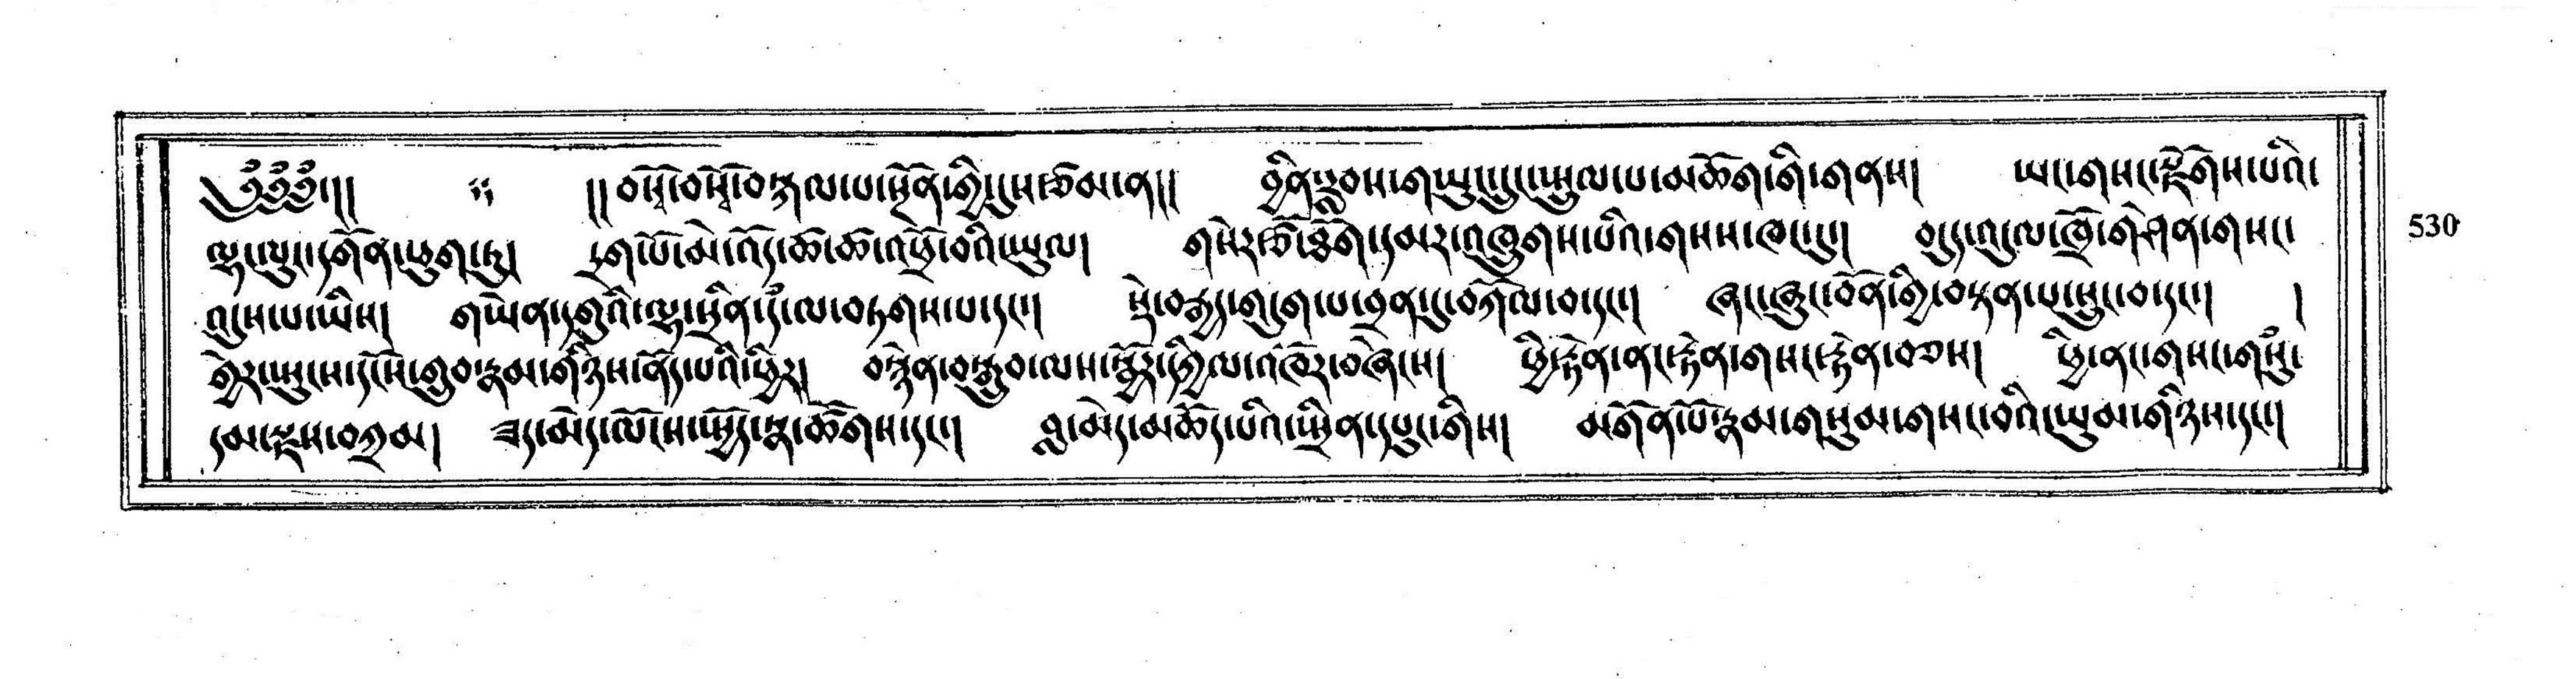༄༅༅།། །།བསྭོ་བསྭོ་བསྐལ་པ་སྔོན་གྱི་དུས་ཙམ་ན།། བྱིན་རླབས་གཡུང་དྲུང་སྤྲུལ་པ་མཆོག་གི་གནས། ཡང་གསང་རྫོགས་པའི་
ལྷ་ལུང་དགོན་ཕུག་ཏུ། དྲག་པོ་མེ་འོད་ཚ་ཚ་འཕྲོ་བའི་ཡུལ། གསེར་ཙོ་ཐོག་དམར་འཁྲུགས་པའི་གསས་ཁང་དུ། བདུད་འདུལ་ཁྲོ་གཤེན་གསང་
བདུས་པ་ཡིས། གཡེན་དགུའི་ལྷ་སྲིན་དམ་ལ་བཏགས་པ་དང་། སྡེ་བརྒྱད་གདུག་པ་བྲན་དུ་བཀོལ་བ་དང་། ཞང་ཞུང་བོན་གྱི་བསྟན་པ་སྲུང་བ་དང་། 
གྱེར་སྤུངས་དངོས་གྲུབ་རྣམ་གཉིས་ནོད་པའི་ཕྱིར། བསྙེན་བསྒྲུབ་ལས་སྦྱོར་དཀྱིལ་འཁོར་བཞེངས། ཕྱི་རྟེན་ནང་རྟེན་གསང་རྟེན་བཅས། ཕྱི་ནང་གསང་གསུམ་
དམ་རྫས་བཀྲམ། ཟད་མེད་ལོངས་སྤྱོད་སྣ་ཚོགས་དང་། བླ་མེད་མཆོད་པའི་སྤྲིན་དཔུང་གིས། མགོན་པོ་རྣམ་གསུམ་གསང་བའི་ཡུམ་གཉིས་དང་།